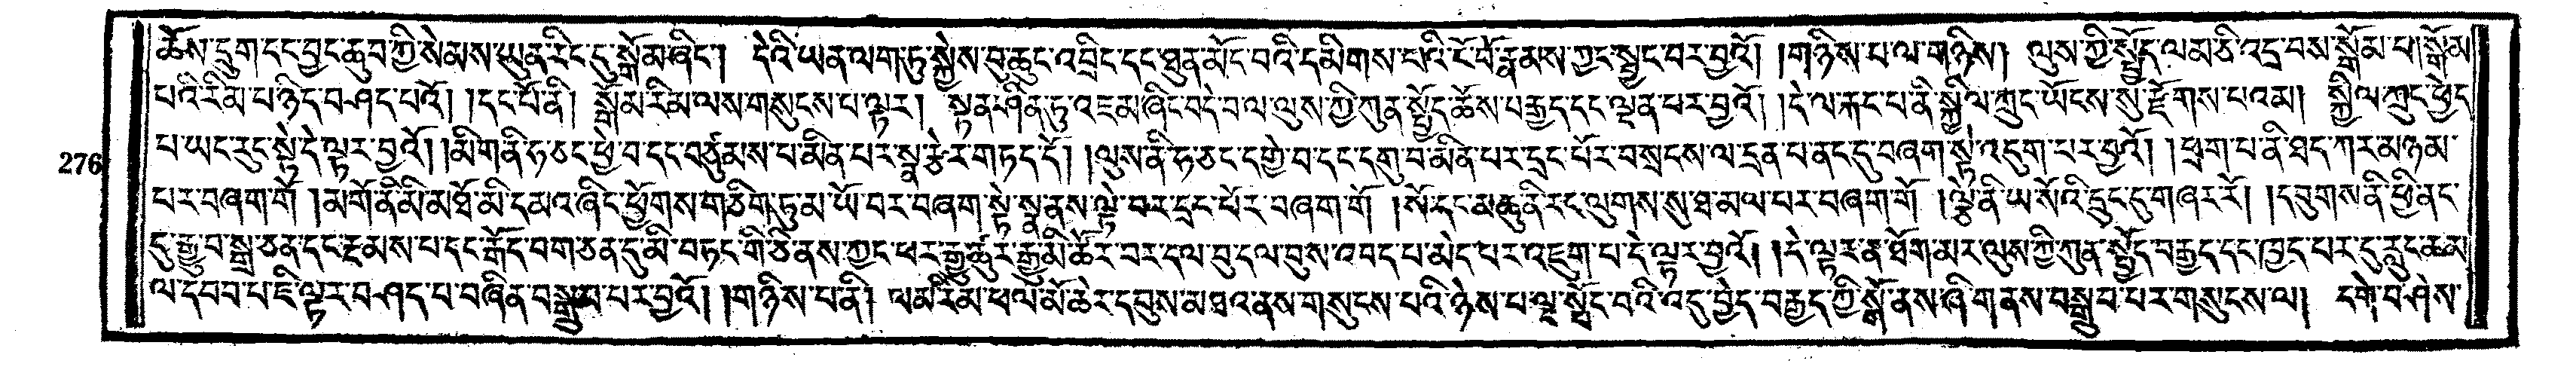ཆོས་དྲུག་དང་བྱང་ཆུབ་ཀྱི་སེམས་ཡུན་རིང་དུ་སྒོམ་ཞིང་། དེའི་ཡན་ལག་ཏུ་སྐྱེས་བུ་ཆུང་འབྲིང་དང་ཐུན་མོང་བའི་དམིགས་པའི་ངོ་བོ་རྣམས་ཀྱང་སྦྱང་བར་བྱའོ། །གཉིས་པ་ལ་གཉིས། ལུས་ཀྱི་སྤྱོད་ལམ་ཅི་འདྲ་བས་སྒོམ་པ། སྒོམ་
པའི་རིམ་པ་ཉིད་བཤད་པའོ། །དང་པོ་ནི། སྒོམ་རིམ་ལས་གསུངས་པ་ལྟར། སྟན་ཤིན་ཏུ་འཇམ་ཞིང་བདེ་བ་ལ་ལུས་ཀྱི་ཀུན་སྤྱོད་ཆོས་བརྒྱད་དང་ལྡན་པར་བྱའོ། །དེ་ལ་རྐང་པ་ནི་སྐྱིལ་ཀྲུང་ཡོངས་སུ་རྫོགས་པའམ། སྐྱིལ་ཀྲུང་ཕྱེད་
པ་ཡང་རུང་སྟེ་དེ་ལྟར་བྱའོ། །མིག་ནི་ཧ་ཅང་ཕྱེ་བ་དང་བཙུམས་པ་མིན་པར་སྣ་རྩེར་གཏད་དོ། །ལུས་ནི་ཧ་ཅང་དགྱེ་བ་དང་དགུ་བ་མིན་པར་དྲང་པོར་བསྲངས་ལ་དྲན་པ་ནང་དུ་བཞག་སྟེ་འདུག་པར་བྱའོ། །ཕྲག་པ་ནི་ཐད་ཀར་མཉམ་
པར་བཞག་གོ །མགོ་ནི་མི་མཐོ་མི་དམའ་ཞིང་ཕྱོགས་གཅིག་ཏུ་མ་ཡོ་བར་བཞག་སྟེ་སྣ་ནས་ལྟེ་བར་དྲང་པོར་བཞག་གོ །སོ་དང་མཆུ་ནི་རང་ལུགས་སུ་ཐ་མལ་པར་བཞག་གོ །ལྕེ་ནི་ཡ་སོའི་དྲུང་དུ་གཞར་རོ། །དབུགས་ནི་ཕྱི་ནང་
དུ་རྒྱུ་བ་སྒྲ་ཅན་དང་རྔམས་པ་དང་རྒོད་བག་ཅན་དུ་མི་བཏང་གི་ཅི་ནས་ཀྱང་ཕར་རྒྱུ་ཚུར་རྒྱུ་མི་ཚོར་བར་དལ་བུ་དལ་བུས་འབད་པ་མེད་པར་འཇུག་པ་དེ་ལྟར་བྱའོ། །དེ་ལྟར་ན་ཐོག་མར་ལུས་ཀྱི་ཀུན་སྤྱོད་བརྒྱད་དང་ཁྱད་པར་དུ་རླུང་ཆམ་
ལ་དབབ་པ་ཇི་ལྟར་བཤད་པ་བཞིན་བསྒྲུབ་པར་བྱའོ། །གཉིས་པ་ནི། ལམ་རིམ་ཕལ་མོ་ཆེར་དབུས་མཐའ་ནས་གསུངས་པའི་ཉེས་པ་ལྔ་སྦོང་བའི་འདུ་བྱེད་བརྒྱད་ཀྱི་སྒོ་ནས་ཞི་གནས་བསྒྲུབ་པར་གསུངས་ལ། དགེ་བཤེས་